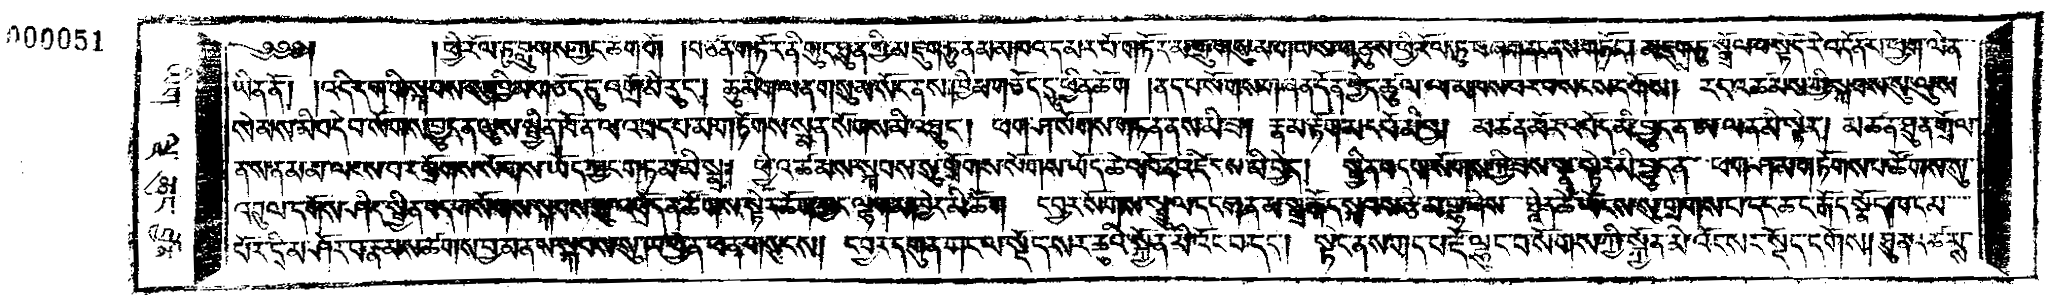༄༅༅། །ཕྱི་རོལ་ཏུ་བླུགས་ཀྱང་ཆོག་གོ །བཙན་གཏོར་ནི་གུང་ཐུན་གྱི་མཇུག་ཏུ་ནམ་མཁའ་དམར་པོ་གཏོར་མ་གྲུ་གསུམ་གཡས་གཅུས་ཕྱི་རོལ་ཏུ་བཞག་ནང་ནས་གཏོང་། མཇུག་ཏུ་སྒྲོལ་བསྟོད་རེ་འདོན་པ་ཕྱག་ལེན་
ཡིན་ནོ། །འདི་དག་གི་སྐབས་སུ་ཁྱིམ་གཅོད་དུ་འགྲོ་མི་རུང་། ཆུ་མིག་ལན་གསུམ་སོང་ནས་ཁྱིམ་གཅོད་དུ་ཕྱིན་ཆོག །ནད་པ་སོགས་གཞན་དོན་བྱེད་ཚུལ་ལ་མཁས་པར་བསངས་དགོས། རང་འཚམས་ཀྱི་སྐབས་སུ་ལུས་
སེམས་མི་བདེ་བ་སོགས་བྱུང་ན་ལུས་སྦྱིན་ཁོ་ན་ལ་འབད་པ་མ་གཏོགས་སྨན་སོགས་མི་འཐུང་། ཕག་ཤ་སོགས་གཏན་ནས་མི་ཟ། རྣམ་རྟོག་མང་པོ་མི་བྱ། མཚན་མོར་འབོད་མི་བྱུང་ན་ཨ་ལན་མི་སྟེར། མཚན་ཐུན་གྲོལ་
ནས་ནམ་མ་ལངས་པར་གྲོགས་སོགས་ཡོད་ཀྱང་གཏམ་མི་སྨྲ། ཕྱི་འཚམས་སྐབས་སུ་གྲོགས་སོགས་ཡོད་ཆེ་འཁོན་འཛིངས་མི་བྱེད། སྦྱིན་བདག་སོགས་ཀྱི་ཟས་སྣ་སྟེར་མི་བྱུང་ན་ཕག་ཤ་མ་གཏོགས་པ་ཚོགས་སུ་
འབུལ་དགོས་ཤིང་སྦྱིན་བདག་སོགས་སྐབས་སུ་འཕྲོད་ན་ཚོགས་སྟེར་ཆོ་ག་ཀྱང་ལྷག་མ་ཁྱེར་མི་ཆོ་ག །དབྱར་སོགས་སྦྲུལ་དང་གནམ་སྒྲ་རྒོད་སྐབས་རྩི་མ་གྷ་ཞེས་ཐEན་ཚེ་ཡོངས་སུ་གྲགས་པ་དང་ཆང་རྒོད་སྣོད་ཁ་དམ་
པོར་དྲི་མ་ཤོར་བ་རྣམས་ཚགས་བྱ་མ་ནས་སྐབས་སུ་ཁ་ཕྱེ་ན་ཕན་གསུངས། དབྱར་དགུན་གང་ལ་སྡོད་སར་ཆུའི་སྐྱོན་མི་འོང་བ་དང་། སྟེང་ནས་གད་པ་རྡོ་ལྷུང་བ་སོགས་ཀྱི་སྐྱོན་མི་འོང་སར་སྡོད་དགོས། ཐུན་འཚམས་